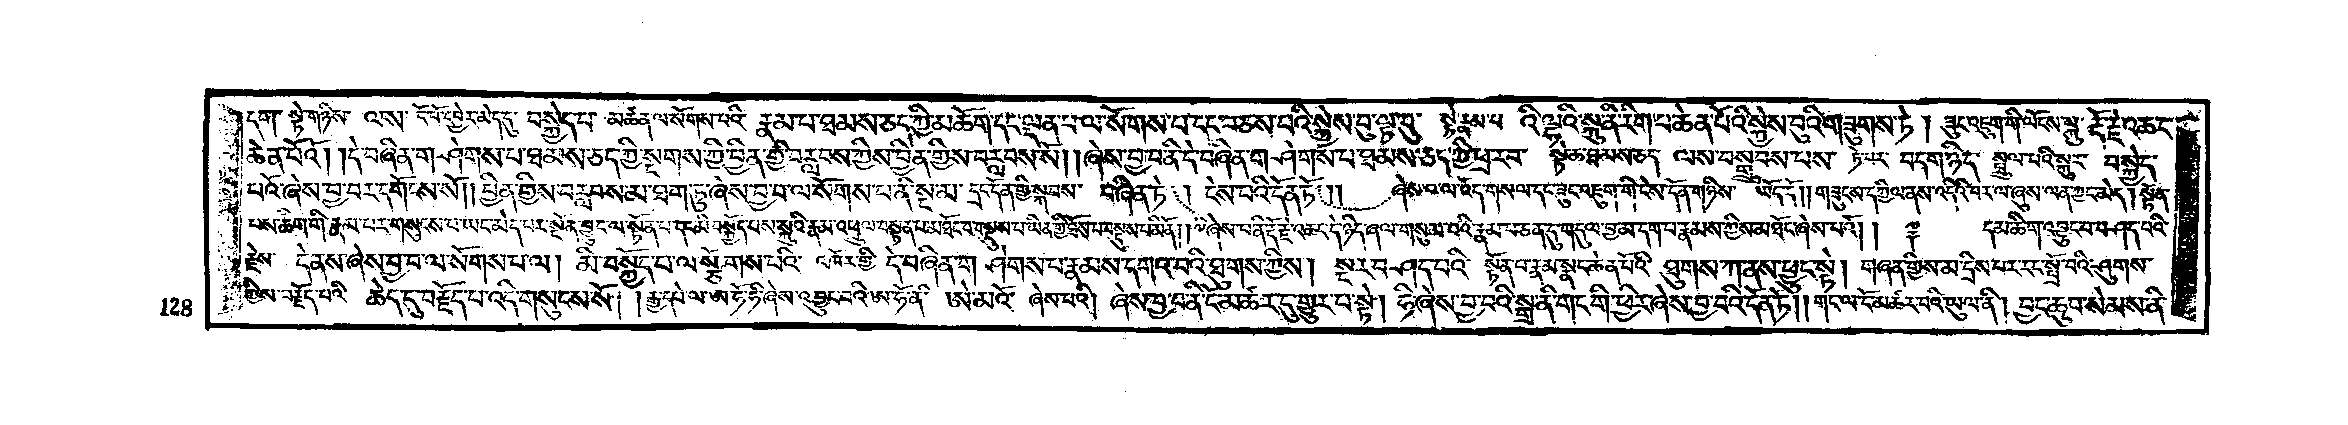དག་ལྟེ་གཉིས་ལས་ངོ་བོ་དབྱེར་མེད་དུ་བསྐྱེད་པ་མཚན་ལ་སོགས་པའི་རྣམ་པ་ཐམས་ཅད་ཀྱི་མཆོག་དང་ལྡན་པ་ལ་སོགས་པ་དང་བཅས་པའི་སྐྱེས་བུ་ལྟ་བུ་སྟེ་རྣམ་པའི་ལྷའི་སྐུ་ནི་རིག་པ་ཆེན་པོའི་སྐྱེས་བུའི་གཟུགས་ཏེ། ཟུང་འཇུག་གི་ལོངས་སྐུ་རྡོ་རྗེ་འཆང་
ཆེན་པོའོ། །དེ་བཞིན་གཤེགས་པ་ཐམས་ཅད་ཀྱི་སྔགས་ཀྱི་བྱིན་གྱི་བརླབས་ཀྱིས་བྱིན་གྱིས་བརླབས་སོ། །ཞེས་བྱ་བ་ནི་དེ་བཞིན་གཤེགས་པ་ཐམས་ཅད་ཀྱི་ཕྲ་རབ་སྟེ་ཆ་ཐམས་ཅད་ལས་བསྒྲུབས་པས་ཏེ་པར་བདག་ཉིད་སྤྲུལ་པའི་སྐུར་བསྐྱེད་
པའོ་ཞེས་བྱ་བར་དགོངས་སོ། །བྱིན་གྱིས་བརླབས་མ་ཐག་ཏུ་ཞེས་བྱ་བ་ལ་སོགས་པ་ནི་སྔ་མ་དྲང་དོན་གྱི་སྐབས་བཞིན་ཏེ། ངེས་པའི་དོན་ཏོ། །ཞེས་པ་ལ་འོད་གསལ་དང་ཟུང་འཇུག་གི་ངེས་དོན་གཉིས་ཡོད་དོ། །གཟུངས་དཀྱིལ་ནས་འདིའི་བར་ལ་ཞུས་ལན་ཀྱང་མེད། སྟོན་
པས་ཚིག་གི་རྣམ་པར་གསུངས་པ་ཡང་མེད་པར་སྔོན་བྱུང་ལ་སྟོན་པ་དང་མི་བསྐྱོད་པས་སྐུའི་རྣམ་འཕྲུལ་བསྟན་པ་མཐོང་བ་བསྡུས་པ་ཡིན་གྱི་ཐོས་པ་བསྡུས་པ་མིན་ནོ། །༧ཞེས་པ་ནི་རྡོ་རྗེ་འཆང་དེ་ཉིད་ཞལ་གསུམ་པའི་རྣམ་པ་ཅན་དུ་གདུལ་བྱ་མ་དག་པ་རྣམས་ཀྱིས་མཐོང་ཞེས་པའོ། ། ༈ དམ་ཚིག་འབྱུང་བ་བཤད་པའི་
རྗེས་དེ་ནས་ཞེས་བྱ་བ་ལ་སོགས་པ་ལ། མི་བསྐྱོད་པ་ལ་སྩོགས་པའི་འཁོར་གྱི་དེ་བཞིན་གཤེགས་པ་རྣམས་དགའ་བའི་ཐུགས་ཀྱིས། སྔར་བཤད་པའི་སྟོན་པ་རྣམ་སྣང་ཆེན་པོའི་ཐུགས་ཀ་ནས་༧ཕྱུང་སྟེ། གཞན་གྱིས་མ་དྲིས་པར་རང་སྤྲོ་བའི་ཤུགས་
ཀྱིས་བརྗོད་པའི་ཆེད་དུ་བརྗོད་པ་འདི་གསུངས་སོ། །རྒྱ་དཔེ་ལ་ཨ་ཧོ་ཧི་ཞེས་འབྱུང་བའི་ཨ་ཧོ་ནི་ཨེ་མའོ་ཞེས་པའི། ཞེས་བྱ་བ་ནི་ངོ་མཚར་དུ་གྱུར་པ་སྟེ། ཧི་ཞེས་བྱ་བའི་སྒྲ་ནི་གང་གི་ཕྱིར་ཞེས་བྱ་བའི་དོན་ཏོ། །གང་ལ་ངོ་མཚར་བའི་ཡུལ་ནི། བྱང་ཆུབ་སེམས་ནི་